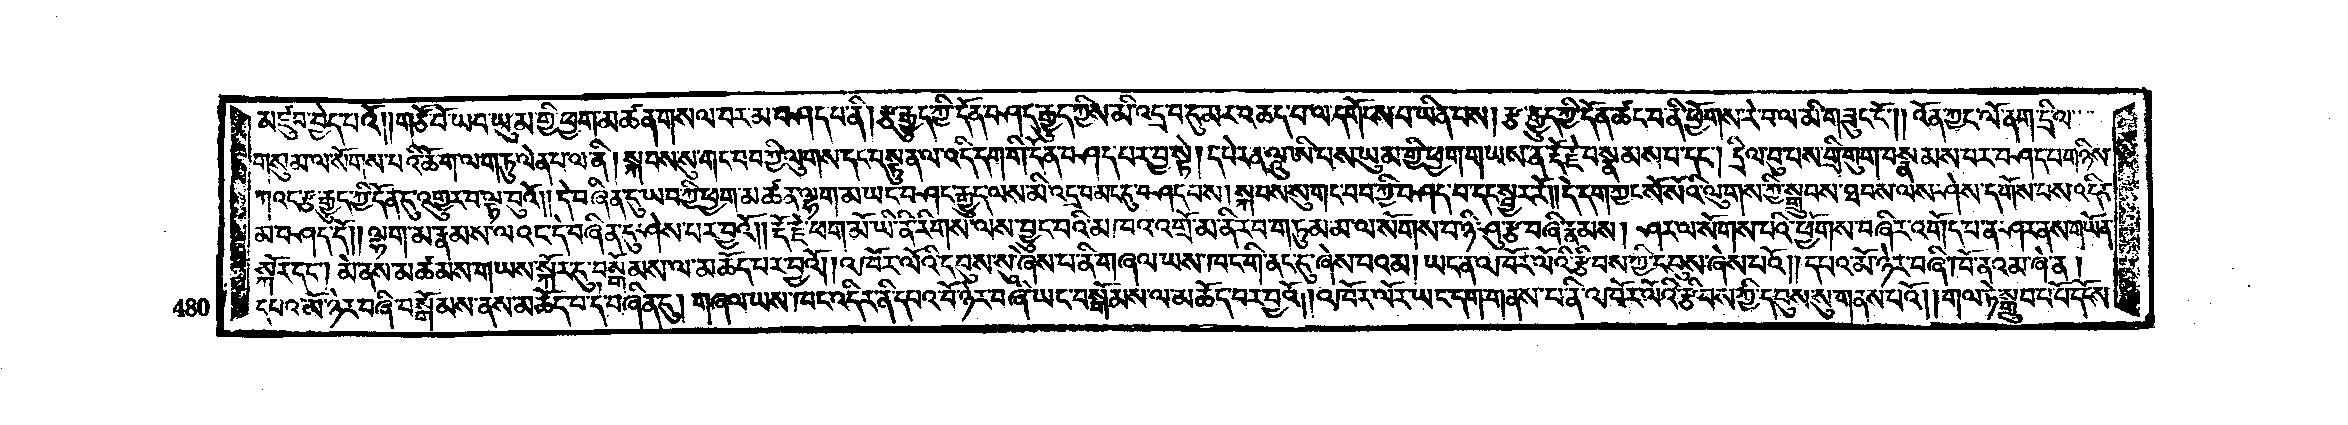མཛུབ་བྱེད་པའོ། །གཙོ་བོ་ཡབ་ཡུམ་གྱི་ཕྱག་མཚན་གསལ་བར་མ་བཤད་པ་ནི། རྩ་རྒྱུད་ཀྱི་དོན་བཤད་རྒྱུད་ཀྱིས་མི་འདྲ་བ་དུ་མར་འཆད་པ་ལ་དགོངས་པ་ཡིན་པས། རྩ་རྒྱུད་ཀྱི་དོན་ཚང་བ་ནི་ཕྱོགས་རེ་བ་ལ་མི་གཟུང་ངོ། །འོན་ཀྱང་ལོ་ནག་དྲི་ལ་
གསུམ་ལ་སོགས་པའི་ཆོ་ག་ལག་ཏུ་ལེན་པ་ལ་ནི། སྐབས་སུ་གང་བབ་ཀྱི་ལུགས་དང་བསྟུན་ལ་འདི་དག་གི་དོན་བཤད་པར་བྱ་སྟེ། དཔེར་ན་ལཱུ་ཨི་པས་ཡུམ་གྱི་ཕྱག་གཡས་ན་རྡོ་རྗེ་བསྣམས་པ་དང་། དྲིལ་བུ་པས་གྲི་གུག་བསྣམས་པར་བཤད་པ་གཉིས་
ཀའང་རྩ་རྒྱུད་ཀྱི་དོན་དུ་འགྱུར་བ་ལྟ་བུའོ། །དེ་བཞིན་དུ་ཡབ་ཀྱི་ཕྱག་མཚན་ལྷག་མ་ཡང་བཤད་རྒྱུད་ལས་མི་འདྲ་བ་མང་དུ་བཤད་པས། སྐབས་སུ་གང་བབ་ཀྱི་བཤད་པ་དང་སྦྱར་རོ། །དེ་དག་ཀྱང་སོ་སོའི་ལུགས་ཀྱི་སྒྲུབས་ཐབས་ལས་ཤེས་དགོས་པས་འདིར་
མ་བཤད་དོ། །ལྷག་མ་རྣམས་ལའང་དེ་བཞིན་དུ་ཤེས་པར་བྱའོ། །རྡོ་རྗེ་ཕག་མོ་ཡི་ནི་རིགས་ལས་བྱུང་བའི་མཁའ་འགྲོ་མ་ནི་རབ་གཏུམ་མ་ལ་སོགས་པ་ཉི་ཤུ་རྩ་བཞི་རྣམས། ཤར་ལ་སོགས་པའི་ཕྱོགས་བཞིར་འགོད་པ་ན་ཤར་ནས་གཡོན་
སྐོར་དང་། མེ་ནས་མཚམས་གཡས་སྐོར་དུ་བསྒོམས་ལ་མཆོད་པར་བྱའོ། །འཁོར་ལོའི་དབུས་སུ་ཞེས་པ་ནི་གཞལ་ཡས་ཁང་གི་ནང་དུ་ཞེས་པའམ། ཡང་ན་འཁོར་ལོའི་རྩིབས་ཀྱི་དབུས་ཞེས་པའོ། །དཔའ་མོ་ཉེར་བཞི་ཁོ་ནའམ་ཞེ་ན།
དཔའ་མོ་ཉེར་བཞི་བསྒོམས་ནས་མཆོད་པ་དེ་བཞིན་དུ། གཞལ་ཡས་ཁང་འདིར་ནི་དཔའ་བོ་ཉེར་བཞི་ཡང་བསྒོམས་ལ་མཆོད་པར་བྱའོ། །འཁོར་ལོར་ཡང་དག་གནས་པ་ནི་འཁོར་ལོའི་རྩིབས་ཀྱི་དབུས་སུ་གནས་པའོ། །གལ་ཏེ་སྒྲུབ་པ་པོ་དངོས་